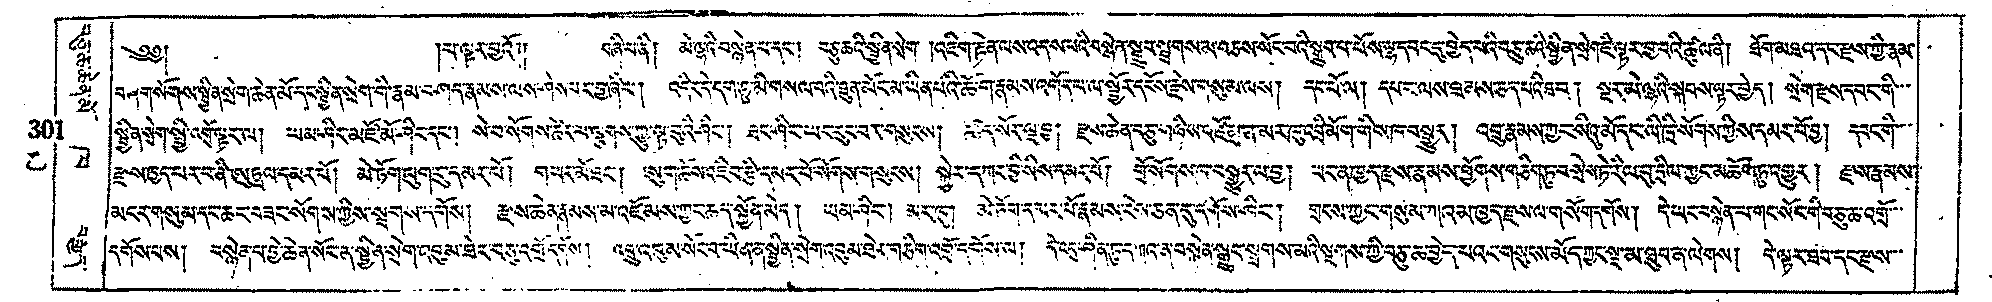༄༅། །པ་ལྟར་བྱའོ།། བཞི་པ་ནི། མེ་ལྷའི་བསྙེན་པ་དང་། བཅུ་ཆའི་སྦྱིན་སྲེག །འཇིག་རྟེན་ལས་འདས་པའི་བསྙེན་སྒྲུབ་སྦྲགས་མ་བཅས་སོང་བའི་སྒྲུབ་པ་པོས་ལྷ་དབང་དུ་བྱེད་པའི་བཅུ་ཆའི་སྦྱིན་སྲེག་ཇི་ལྟར་བྱ་བའི་ཚུལ་ནི། ཐོག་མཐའ་དང་རྫས་ཀྱི་རྣམ་
བཞག་སོགས་སྦྱིན་སྲེག་ཆེན་མོ་དང་སྦྱིན་སྲེག་གི་རྣམ་བཤད་རྣམས་ལས་ཤེས་པར་བྱ་ཞིང་། འདིར་དེ་དག་ཏུ་མི་གསལ་བའི་ཐུན་མོང་མ་ཡིན་པའི་ཆོ་ག་རྣམས་འགོད་པ་ལ་སྦྱོར་དངོས་རྗེས་གསུམ་ལས། དང་པོ་ལ། དབང་ལས་ཐམས་ཅད་པའི་ཐབ། སྔར་མེ་ལྷའི་སྐབས་ལྟར་བྱེད། སྲེག་རྫས་དབང་གི་་་
སྦྱིན་སྲེག་སྤྱི་འགྲོ་ལྟར་ལ། ཡམ་ཤིང་མཛོ་མོ་ཤིང་དང་། སེ་བ་སོགས་ཚེར་མ་ལྕགས་ཀྱུ་ལྟ་བུའི་ཤིང་། ཐང་ཤིང་ཡང་རུང་བར་གསུངས། ཚད་སོར་ལྔ་བྱ། རྫས་ཆེན་བཅུ་གཉིས་འཛོམས་ན་མར་ཁུ་འབྲི་མོག་གིས་ཁ་བསྒྱུར། འབྲུ་རྣམས་ཀྱང་སིའུ་མོ་དང་ལི་ཁྲི་སོགས་ཀྱིས་དམར་པོ་བྱ། དབང་གི་་་
རྫས་ཁྱད་པར་བ་ནི་ཨུཏྤལ་དམར་པོ། མེ་ཏོག་ལུག་རུ་དམར་པོ། གཡར་མོ་ཐང་། ཨུག་ཆོས་འཇིབ་རྩི་དམར་པོ་སོགས་གསུངས། སྐྱེར་དཀར་གྱི་སིས་དམར་པོ། གྲོ་སོགས་ཁ་བསྒྱུར་ལ་བྱ། ཡང་ན་ཁྱད་རྫས་རྣམས་ཕྱོགས་གཅིག་ཏུ་བསྲེས་ཏེ་རིལ་བུ་དྲིལ་ཀྱང་མཆོག་ཏུ་འགྱུར། རྫས་རྣམས་
མངར་གསུམ་དང་ཆང་བཟང་སོགས་ཀྱིས་སྦགས་དགོས། རྫས་ཆེན་རྣམས་མ་འཛོམས་ཀྱང་ཆད་སྐྱོན་མེད། ཡམ་ཤིང་། མར་ཁུ། མེ་ཏོག་དམར་པོ་རྣམས་ངེས་ཅན་དུ་དགོས་ཤིང་། གྲངས་ཀྱང་གསུམ་ཀའམ་ཁྱད་རྫས་ལ་གསོག་དགོས། དེ་ཡང་བསྙེན་པ་གང་སོང་གི་བཅུ་ཆ་འགྲོ་་་
དགོས་པས། བསྙེན་པ་བྱེ་ཆེན་སོང་ན་སྦྱིན་སྲེག་འབུམ་ཐེར་བཅུ་འགྲོ་དགོས། འབྲུ་འབུམ་སོང་བ་ཡིན་ན་སྦྱིན་སྲེག་འབུམ་ཐེར་གཅིག་འགྲོ་དགོས་ལ། དེ་འདྲ་ཤིན་ཏུ་དཀའ་ན་བསྙེན་སྒྲུབ་སྦྲགས་མའི་སྔགས་ཀྱི་བཅུ་ཆ་བྱེད་པའང་གསུངས་མོད་ཀྱང་སྔ་མ་ཐུབ་ན་ལེགས། དེ་ལྟར་ཐབ་དང་རྫས་་་